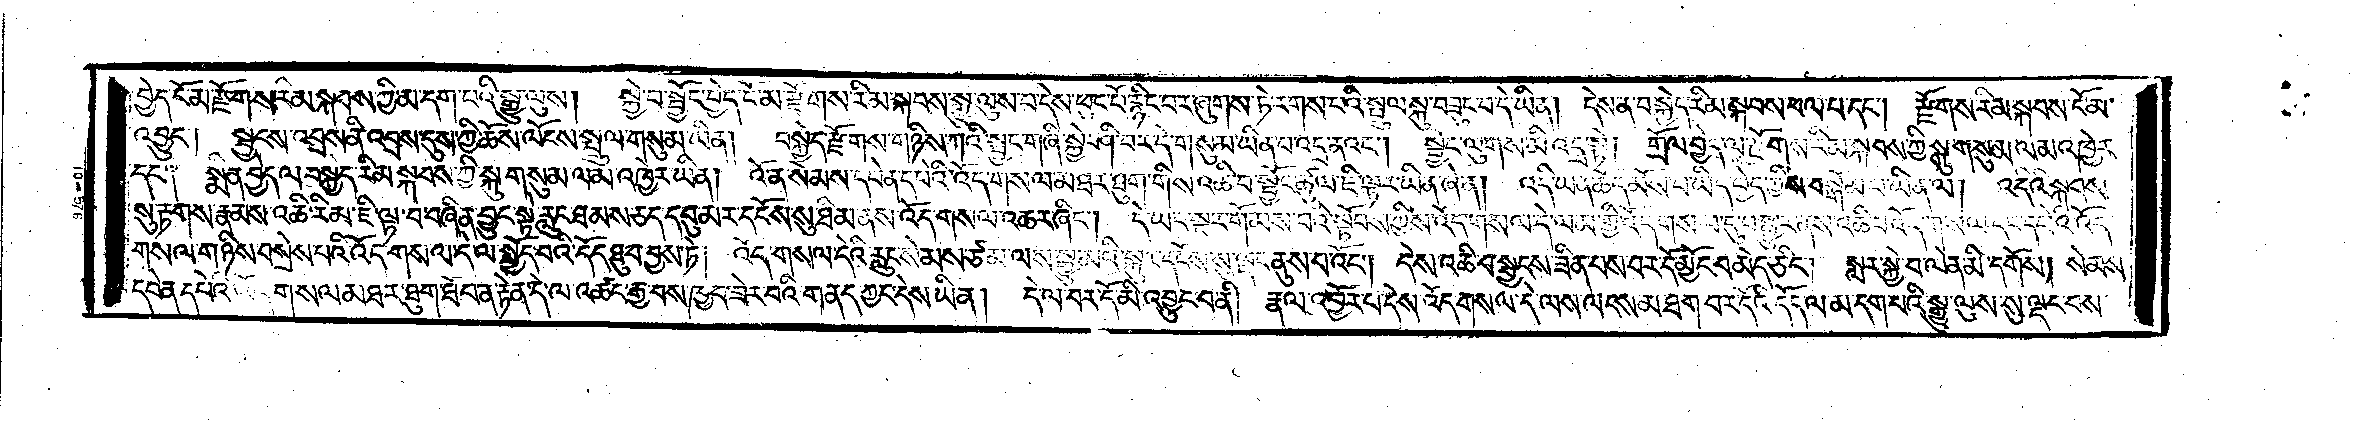བྱེད་ངོ་མ་རྫོགས་རིམ་སྐབས་ཀྱི་མ་དག་པའི་སྒྱུ་ལུས། སྐྱེ་བ་སྦྱོང་བྱེད་ངོ་མ་རྫོགས་རིམ་སྐབས་སྒྱུ་ལུས་པ་དེས་ཕུང་པོ་རྙིང་པར་ཞུགས་ཏེ་རགས་པའི་སྤྲུལ་སྐུ་བཟུང་བ་དེ་ཡིན། དེས་ན་བསྐྱེད་རིམ་སྐབས་ཕལ་པ་དང་། རྫོགས་རིམ་སྐབས་ངོ་མ་
འབྱུང་། སྦྱངས་འབྲས་ནི་འབྲས་དུས་ཀྱི་ཆོས་ལོངས་སྤྲུལ་གསུམ་ཡིན། བསྐྱེད་རྫོགས་གཉིས་ཀའི་སྦྱང་གཞི་སྐྱེ་ཤི་བར་དོ་གསུམ་ཡིན་པ་འདྲ་ནའང་། །སྦྱོང་ལུགས་མི་འདྲ་སྟེ། གྲོལ་བྱེད་ལ་རྫོགས་རིམ་སྐབས་ཀྱི་སྐུ་གསུམ་ལམ་འཁྱེར་
དང༑ སྨིན་བྱེད་ལ་བསྐྱེད་རིམ་སྐབས་ཀྱི་སྐུ་གསུམ་ལས་འཁྱེར་ཡིན། འོ་ན་སེམས་དབེན་དཔེའི་འོད་གསལ་མཐར་ཐུག་གིས་འཆི་བ་སྦྱོང་ཚུལ་ཇི་ལྟར་ཡིན་ཞེ་ན། འདི་ཡན་ཆོད་མོས་པ་ཡིད་བྱེད་ཀྱིས་བསྒོམ་པ་ཡིན་ལ། འདིའི་སྐབས་
སུ་རྟགས་རྣམས་འཆི་རིམ་ཇི་ལྟ་བ་བཞིན་བྱུང་སྟེ་རླུང་ཐམས་ཅད་དབུ་མར་དངོས་སུ་ཐིམ་ནས་འོད་གསལ་འཆར་ཞིང་། དེ་ཡང་སྔར་གོམས་པའི་སྟོབས་ཀྱིས་འོད་གསལ་དེ་ལམ་གྱི་འོད་གསལ་དུ་བསྒྱུར་ནས་འཆི་བ་འོད་གསལ་དང་དཔེའི་འོད་
གསལ་གཉིས་བསྲེས་པའི་འོད་གསལ་དེ་ལ་སྤྱོད་པའི་དོང་ཐུབ་བྱས་ཏེ། འོད་གསལ་དེའི་རླུང་སེམས་ཙམ་ལས་སྒྱུ་མའི་སྐུར་དངོས་སུ་ལྡང་ནུས་པ་འོང་། དེས་འཆི་བ་སྦྱངས་ཟིན་པས་བར་དོ་མྱོང་བ་མེད་ཅིང་། སླར་སྐྱེ་བ་ལེན་མི་དགོས། སེམས་
དབེན་དཔེའི་འོད་གསལ་མཐར་ཐུག་ཐོབ་ན་རྟེན་དེ་ལ་འཚང་རྒྱ་བས་ཁྱབ་ཟེར་བའི་གནད་ཀྱང་དེས་ཡིན། དེ་ལ་བར་དོ་མི་འབྱུང་བ་ནི། རྣལ་འབྱོར་བ་དེས་འོད་གསལ་དེ་ལས་ལངས་མ་ཐག་བར་དོའི་དོད་ལ་མ་དག་པའི་སྒྱུ་ལུས་སུ་ལྡང་བས་